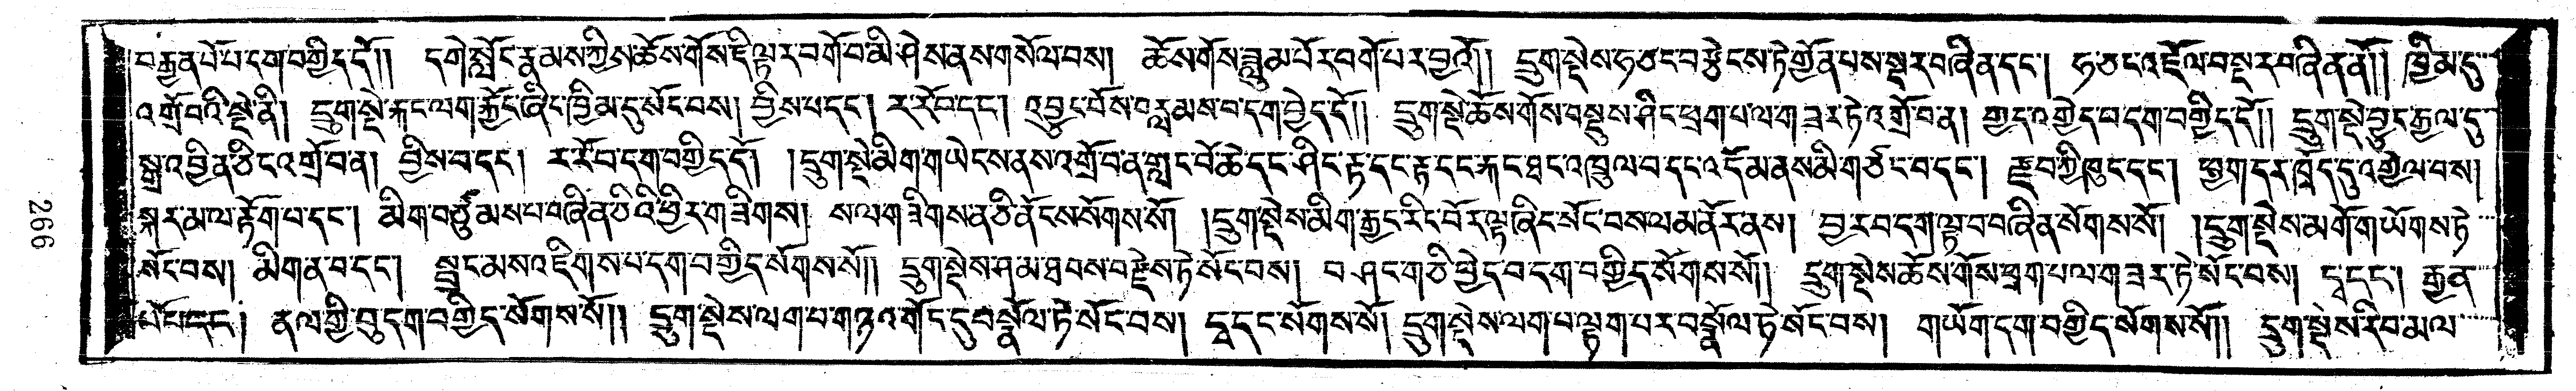བརྒྱན་པོ་པ་དག་བགྱིད་དོ།། དགེ་སློང་རྣམས་ཀྱིས་ཆོས་གོས་ཇི་ལྟར་བགོ་བ་མི་ཤེས་ནས་གསོལ་བས། ཆོས་གོས་ཟླུམ་པོར་བགོ་བར་བྱའོ།། དྲུག་སྡེས་ཧ་ཅང་བརྩེངས་ཏེ་གྱོན་པས་སྔར་བཞིན་དང་། ཧ་ཅང་འཇོལ་བ་སྔར་བཞིན་ནོ།། ཁྱིམ་དུ་
འགྲོ་བའི་སྡེ་ནི། དྲུག་སྡེ་རྐང་ལག་རྐྱོང་ཞིང་ཁྱིམ་དུ་སོང་བས། བྱིས་པ་དང་། ར་རོ་བ་དང་། འབྱུང་པོས་བརླམས་པ་དག་བྱེད་དོ།། དྲུག་སྡེ་ཆོས་གོས་བསྡུས་ཤིང་ཕྲག་པ་ལ་གཟར་ཏེ་འགྲོ་བ་ན། གྱད་འགྱེད་པ་དག་བགྱིད་དོ།། དྲུག་སྡེ་བྱུང་རྒྱལ་དུ་
སྒྲ་འབྱིན་ཅིང་འགྲོ་བ་ན། བྱིས་པ་དང་། ར་རོ་བ་དག་བགྱིད་དོ། །དྲུག་སྡེ་མིག་གཡེངས་ནས་འགྲོ་བ་ན་གླང་པོ་ཆེ་དང་ཤིང་རྟ་དང་རྟ་དང་རྐང་ཐང་འཁྲུལ་བ་དང་འདོམ་ནས་མི་གཙང་བ་དང་། རྫབ་ཀྱི་ཁུང་དང་། ཕྱག་དར་ཁྲོད་དུ་འགྱེལ་བ་ས།
སྐར་མ་ལ་རྟོག་པ་དང་། མིག་བཙུམས་པ་བཞིན་ཅིའི་ཕྱིར་གཟིགས། ས་ལ་གཟིགས་ན་ཅི་ནོངས་སོགས་སོ། །དྲུག་སྡེས་མིག་རྒྱང་རིང་བོར་ལྟ་ཞིང་སོང་བས་ལམ་ནོར་ནས། བྱ་རབ་དག་ལྟ་བ་བཞིན་སོགས་སོ། །དྲུག་སྡེས་མགོ་གཡོགས་ཏེ་
སོང་བས། མིག་ན་བ་དང་། སྦྲང་མས་འཇིགས་པ་དག་བགྱིད་སོགས་སོ།། དྲུག་སྡེས་ཤ་མ་ཐབས་བརྫེས་ཏེ་སོང་བས། བཤང་གཅི་ཕྱེད་བ་དག་བགྱིད་སོགས་སོ།། དྲུག་སྡེས་ཆོས་གོས་ཕྲག་པ་ལ་གཟར་ཏེ་སོང་བས། དྭ་དང་། རྒྱན་
པོ་པ་དང་། ནལ་གྱི་བུ་དག་བགྱིད་སོགས་སོ།། དྲུག་སྡེས་ལག་པ་གཉའ་གོང་དུ་བསྣོལ་ཏེ་སོང་བས། དྭ་དང་སོགས་སོ། དྲུག་སྡེས་ལག་པ་ལྟག་པར་བསྣོལ་ཏེ་སོང་བས། གཡོག་དག་བགྱིད་སོགས་སོ།། དྲུག་སྡེས་རིབ་མལ་